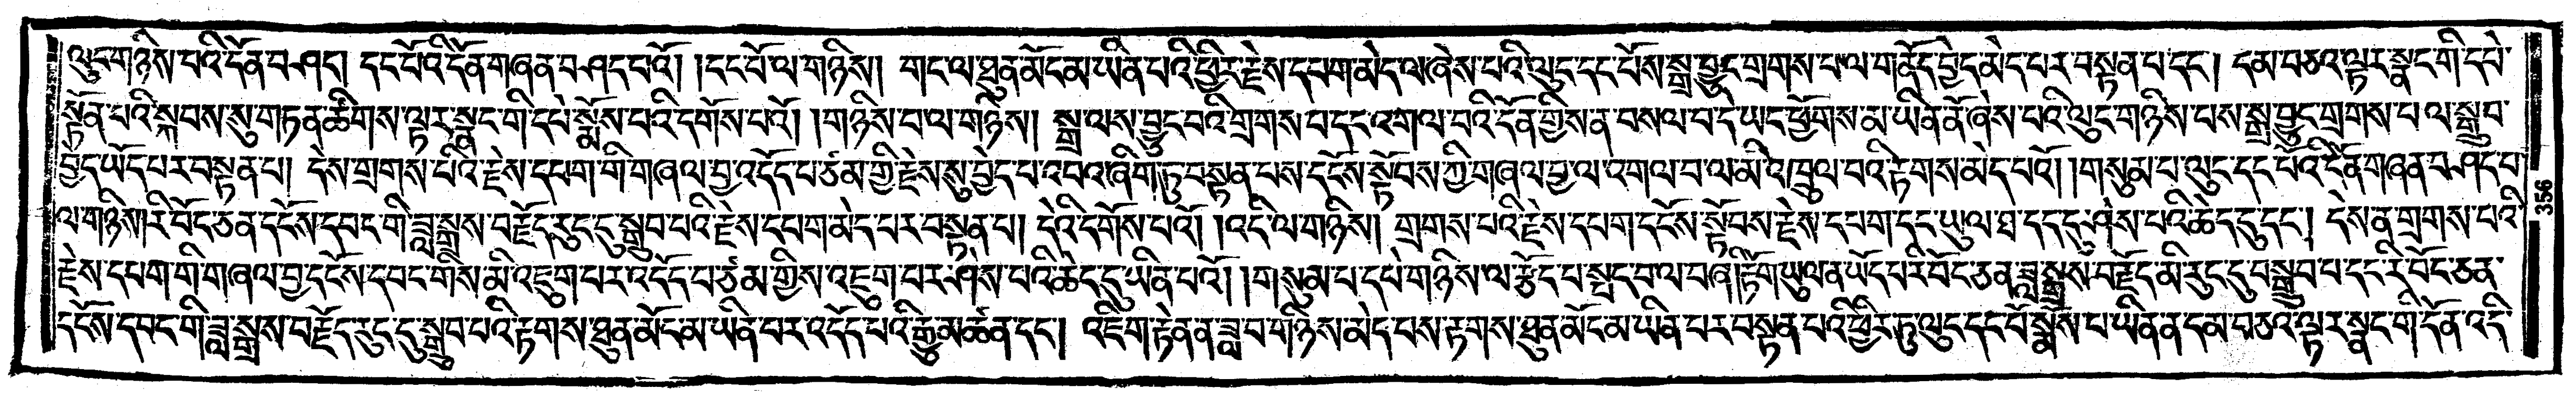ལུང་གཉིས་པའི་དོན་བཤད། དང་པོའི་དོན་གཞན་བཤད་པའོ། །དང་པོ་ལ་གཉིས། གང་ལ་ཐུན་མོང་མ་ཡིན་པའི་ཕྱིར་རྗེས་དཔག་མེད་ལ་ཞེས་པའི་ལུང་དང་པོས་སྒྲ་བྱུང་གྲགས་པ་ལ་གནོད་བྱེད་མེད་པར་བསྟན་པ་དང་། དམ་བཅའ་ལྟར་སྣང་གི་དཔེ་
སྟོན་པའི་སྐབས་སུ་གཏན་ཚིགས་ལྟར་སྣང་གི་དཔེ་སྨོས་པའི་དགོས་པའོ། །གཉིས་པ་ལ་གཉིས། སྒྲ་ལས་བྱུང་བའི་གྲགས་པ་དང་འགལ་བའི་དོན་གྱིས་ན་བསལ་བ་དེ་ཡང་ཕྱོགས་མ་ཡིན་ནོ་ཞེས་པའི་ལུང་གཉིས་པས་སྒྲ་བྱུང་གྲགས་པ་ལ་སྒྲུབ་
བྱེད་ཡོད་པར་བསྟན་པ། དེས་གྲགས་པའི་རྗེས་དཔག་གི་གཞལ་བྱ་འདོད་པ་ཙམ་གྱི་རྗེས་སུ་བྱེད་པ་འབའ་ཞིག་ཏུ་བསྟན་པས་དངོས་སྟོབས་ཀྱི་གཞལ་བྱ་ལ་འགལ་བ་ལ་མི་འཁྲུལ་བའི་རྟགས་མེད་པའོ། །གསུམ་པ་ལུང་དང་པོའི་དོན་གཞན་བཤད་པ་
ལ་གཉིས། རི་བོང་ཅན་དངོས་དབང་གི་ཟླ་སྒྲས་བརྗོད་རུང་དུ་སྒྲུབ་པའི་རྗེས་དཔག་མེད་པར་བསྟན་པ། དེའི་དགོས་པའོ། །འདི་ལ་གཉིས། གྲགས་པའི་རྗེས་དཔག་དངོས་སྟོབས་རྗེས་དཔག་དང་ཡུལ་ཐ་དད་དུ་ཤེས་པའི་ཆེད་དུ་དང་། དེས་ན་གྲགས་པའི་
རྗེས་དཔག་གི་གཞལ་བྱ་དངོས་དབང་གིས་མི་འཇུག་པར་འདོད་པ་ཙམ་གྱིས་འཇུག་པར་ཤེས་པའི་ཆེད་དུ་ཡིན་པའོ། །གསུམ་པ་དཔེ་གཉིས་ལ་རྩོད་པ་སྤང་བ་ལ་བཞི། རྟོག་ཡུལ་ན་ཡོད་པ་རི་བོང་ཅན་ཟླ་སྒྲས་བརྗོད་མི་རུང་དུ་བསྒྲུབ་པ་དང་རི་བོང་ཅན་
དངོས་དབང་གི་ཟླ་སྒྲས་བརྗོད་རུང་དུ་སྒྲུབ་པའི་རྟགས་ཐུན་མོང་མ་ཡིན་པར་འདོད་པའི་རྒྱུ་མཚན་དང་། འཇིག་རྟེན་ན་ཟླ་བ་གཉིས་མེད་པས་རྟགས་ཐུན་མོང་མ་ཡིན་པར་བསྟན་པའི་ཕྱིར་ཏུ་ལུང་དང་པོ་སྨོས་པ་ཡིན་ན་དམ་བཅའ་ལྟར་སྣང་གི་དོན་འདི་